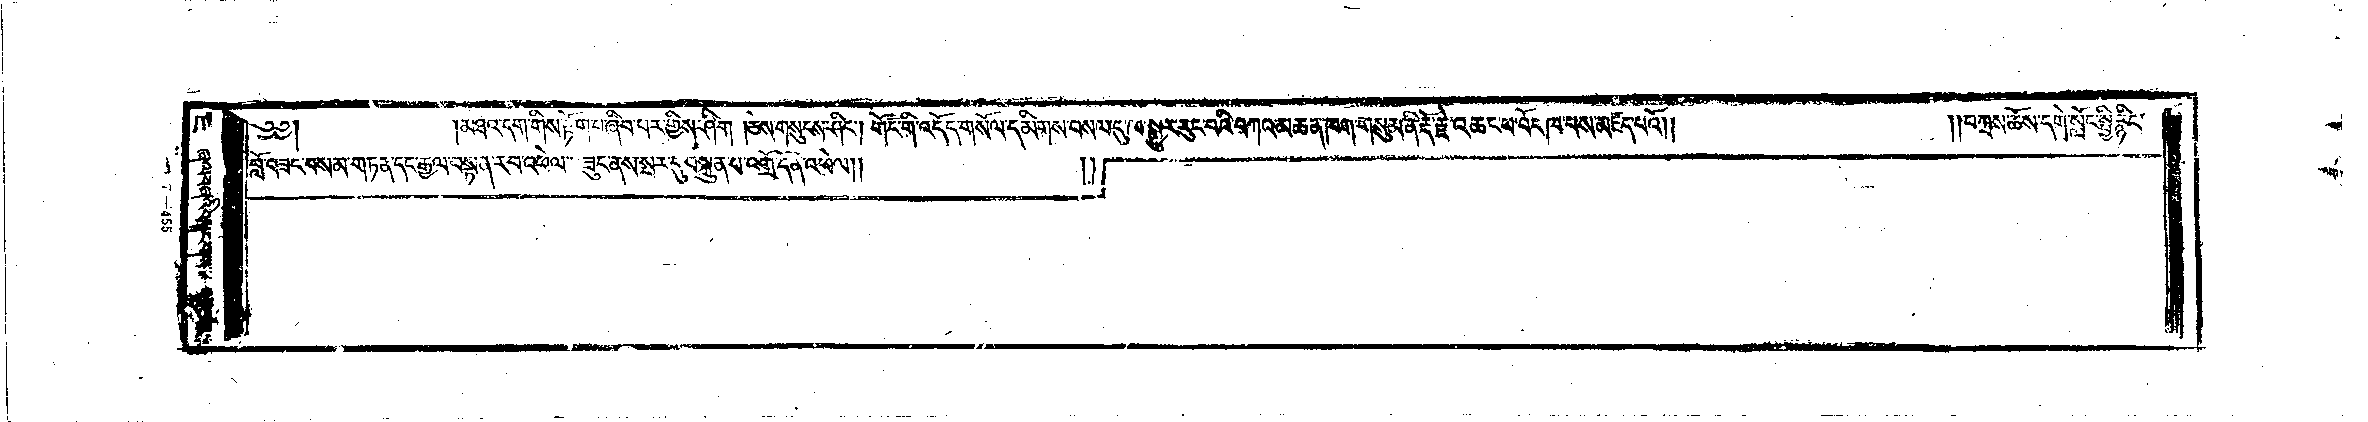༄༅། །མཐའ་དག་གིས་རྟོག་པ་ཞིབ་པར་གྱིས་ཤིག །ཅེས་གསུངས་ཤིང་། གོང་གི་འདོད་གསོལ་དམིགས་བསལ་དུ་ཁ་སྒྱུར་རུང་བའི་བཀའ་མཆན་ཁག་གསུམ་ནི་རྡོ་རྗེ་འཆང་ཕ་བོང་ཁ་པས་མཛད་པའོ།། །།བཀྲས་ཆོས་དགེ་སློང་སྤྱི་རྙིང་
བློ་བཟང་བསམ་གཏན་དང་རྒྱལ་བསྟན་རབ་འཕེལ་ཟུང་ནས་སྤར་དུ་བསྐྲུན་པ་འགྲོ་དོན་འཕེལ།། །།